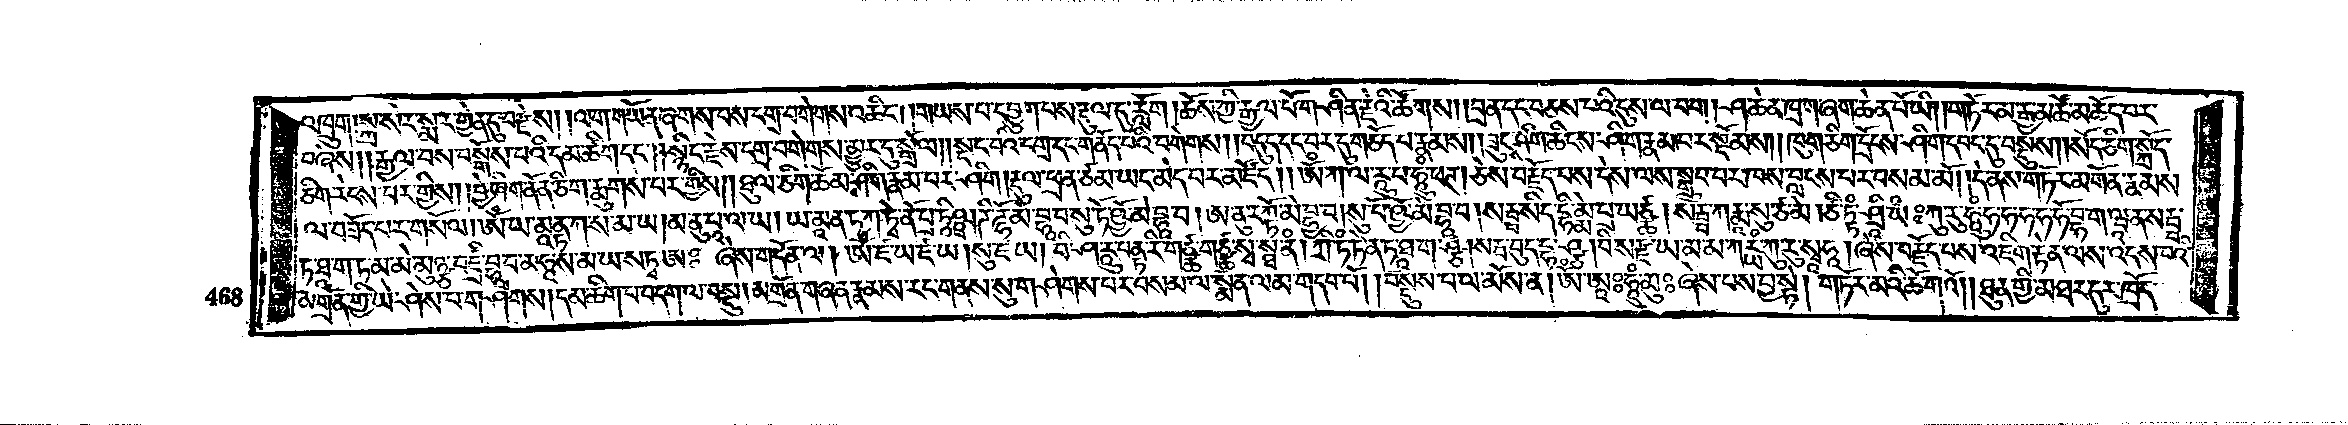འཁྲུག །སྐྲ་སེར་སྨར་གྱེན་དུ་བརྫེས། །ལག་གཡོན་ཞགས་པས་དགྲ་བགེགས་འཆིང་། །གཡས་པ་དབྱུག་པས་རྡུལ་དུ་རློག །ཆོས་ཀྱི་རྒྱལ་པོ་གཤིན་རྗེའི་ཚོགས། །བྲན་དང་བཅས་པའི་དུས་ལ་བག། །ཤ་ཆེན་ཁྲག་ཞག་ཆེན་པོ་ཡི། །གཏོར་མ་རྒྱ་མཚོ་མཆོད་པར་
བཞེས། །རྒྱལ་བས་བསྒོས་པའི་དམ་ཚིག་དང་། །སྙིང་རྗེས་དགྲ་བགེགས་མྱུར་དུ་སྒྲོལ། །སྡང་བའི་དགྲ་དང་གནོད་པའི་བགེགས། །བདུད་དང་བར་དུ་གཅོད་པ་རྣམས། །ཟུངས་ཤིག་ཆིངས་ཤིག་རྣམ་པར་སྡོམས། །ཁུག་ཅིག་དྲོངས་ཤིག་དབང་དུ་བསྡུས། །སད་ཅིག་སྐྲོད་
ཅིག་རེངས་?་པར་གྱིས། །བྱེ་བཞི་?་གནོན་ཅིག་རྨུགས་པར་གྱིས། །ཐུལ་ཅིག་ཆོམ་ཤིག་རྣམ་པར་ཤིག། རྡུལ་ཕྲན་ཙམ་ཡང་མེད་པར་མཛོད། །ཨོཾ་ཀ་ལ་རཱུ་པ་ཧཱུཾ་ཕཊ། ཅེས་བརྗོད་པས་དེས་ལས་སྒྲུབ་པར་ཁས་བླངས་པར་བསམ་མོ། །དེ་ནས་གཏོར་མགོན་རྣམས་
ལ་བཟོད་པར་གསོལ། ཨོཾ་ཡ་མཱནྟ་ཀ་ས་མ་ཡ། མ་ནུ་པཱ་ལ་ཡ། ཡ་མཱན་ཏ་ཀ་ཏྭེ་ནོ་པྲ་ཏཱིཥཊཿཨ། ཌི་ཌྷོ་མེ་བྷཱ་བ་སུ་ཏོ་ཥྱོ་མེ་བྷཱ་བ། ཨ་ནུ་རཀྟོ་མེ་བྷྱ་བ། སུ་པོ་ཥྱོ་མེ་བྷཱ་བ། སརྦྦ་སིད་དྷི་མྨེ་པྲ་ཡཙྪ། སརྦྦ་ཀརྨཱ་སུ་ཙ་མེ། ཙི་ཏྟཾ་ཤྲཱི་ཡཾཿ ཀུ་རུ་ཧཱུཾ་ཧ་ཧ་ཧ་ཧ་ཧོ་བྷ་ག་ཝཱ་ན་སརྦྦ་
ཏ་ཐཱ་ག་ཏ་མ་མེ་མུཉྩ་བཛྲ་བྷཱ་བ་མཧཱ་ས་མ་ཡ་སཏྭ་ཨཿ ཞེས་གདོན་ལ། ཨོཾ་ཛ་ཡ་ཛ་ཡ། སུ་ཛ་ཡ། བི་ཤ་རཱུ་པནྟ་རི་གཙྪ་གཙྪ་སྭ་སྠ་ནཾ། ཀྲི་ཏཾ་ཏེ་ན་ཏ་ཐཱ་ག་ཤྩ། སརྦ་བུད་བྷ་ཤྩ། བི་སརྫ་ཡ་མ་མ་ཀ་རྱཾ་ཀུ་རུ་སྭཱཧཱ། ཞེས་བརྗོད་པས་འཇིག་རྟེན་ལས་འདས་པའི་
མགྲོན་གྱི་ཡེ་ཤེས་པག་ཤེགས། དམ་ཚིག་པ་བདག་ལ་བསྡུ། མགྲོན་གཞན་རྣམས་རང་གནས་སུ་གཤེགས་པར་བསམ་ལ་སྨོན་ལམ་གདབ་པོ། །བསྡུས་པ་ལ་མོས་ན། ཨོཾ་ཨཱཿ ཧཱུཾ་མུཿ ཞེས་པས་བྱ་སྟེ། གཏོར་མའི་ཆོ་གའོ། །ཐུན་གྱི་མཐར་དུར་ཁྲོད་